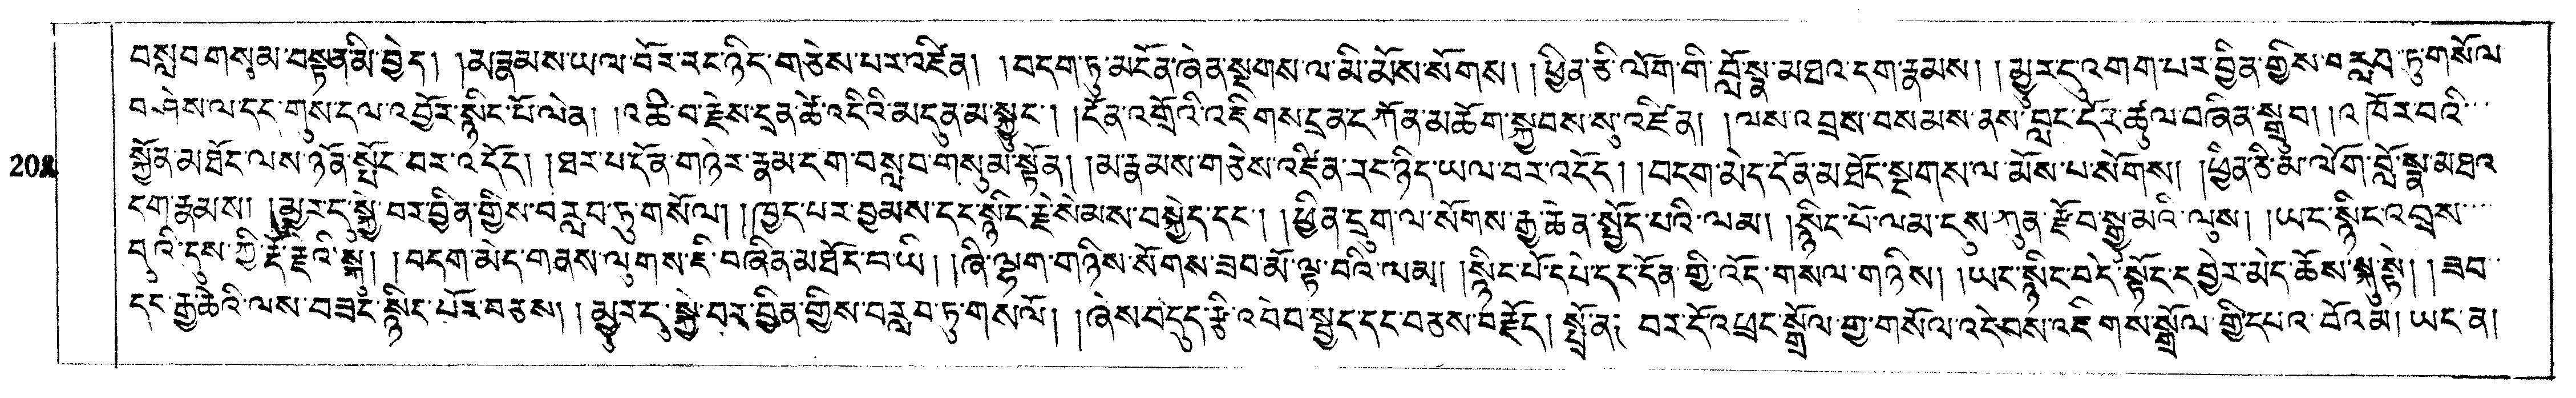བསླབ་གསུམ་བསྟན་མི་བྱེད། །མ་རྣམས་ཡལ་བོར་རང་ཉིད་གཅེས་པར་འཛིན། །བདག་ཏུ་མངོན་ཞེན་སྔགས་ལ་མི་མོས་སོགས། །ཕྱིན་ཅི་ལོག་གི་བློ་སྣ་མཐའ་དག་རྣམས། །མྱུར་དུ་འགག་པར་བྱིན་གྱིས་བརླབ་ཏུ་གསོལ་
བཤེས་ལ་དད་གུས་དལ་འབྱོར་སྙིང་པོ་ལེན། །འཆི་བ་རྗེས་དྲན་ཚེ་འདིའི་མདུན་མ་སྐྱུང་། །ངན་འགྲོའི་འཇིགས་དྲན་དཀོན་མཆོག་སྐྱབས་སུ་འཛིན། །ལས་འབྲས་བསམས་ནས་བླང་དོར་ཚུལ་བཞིན་སྒྲུབ། །འཁོར་བའི་
སྐྱོན་མཐོང་ལས་ཉོན་སྤོང་བར་འདོད། །ཐར་པ་དོན་གཉེར་རྣམ་དག་བསླབ་གསུམ་སྟེན། །མ་རྣམས་གཅེས་འཛིན་རང་ཉིད་ཡལ་བར་འདོར། །བདག་མེད་དོན་མཐོང་སྔགས་ལ་མོས་པ་སོགས། །ཕྱིན་ཅི་མ་ལོག་བློ་སྣ་མཐའ་
དག་རྣམས། །མྱུར་དུ་སྐྱེ་བར་བྱིན་གྱིས་བརླབ་ཏུ་གསོལ། །ཁྱད་པར་བྱམས་དང་སྙིང་རྗེ་སེམས་བསྐྱེད་དང་། །ཕྱིན་དྲུག་ལ་སོགས་རྒྱ་ཆེན་སྤྱོད་པའི་ལམ། །སྙིང་པོ་ལམ་དུས་ཀུན་རྫོབ་སྒྱུ་མའི་ལུས། །ཡང་སྙིང་འབྲས་
བུའི་དུས་ཀྱི་རྡོ་རྗེའི་སྐུ། །བདག་མེད་གནས་ལུགས་ཇི་བཞིན་མཐོང་བ་ཡི། །ཞི་ལྷག་གཉིས་སོགས་ཟབ་མོ་ལྟ་བའི་ལམ། །སྙིང་པོ་དཔེ་དང་དོན་གྱི་འོད་གསལ་གཉིས། །ཡང་སྙིང་བདེ་སྟོང་དབྱེར་མེད་ཆོས་སྐུ་སྟེ། །ཟབ་
དང་རྒྱ་ཆེའི་ལམ་བཟང་སྙིང་པོར་བཅས། །མྱུར་དུ་སྐྱེ་བར་བྱིན་གྱིས་བརླབ་ཏུ་གསོལ། །ཞེས་བདུད་རྩི་འབེབ་སྦྱང་དང་བཅས་བརྗོད། །སྤྲོ་ན༑ བར་དོ་འཕྲང་སྒྲོལ་གྱི་གསོལ་འདེབས་འཇིགས་སྒྲོལ་གྱི་དཔའ་བོའམ། ཡང་ན། །